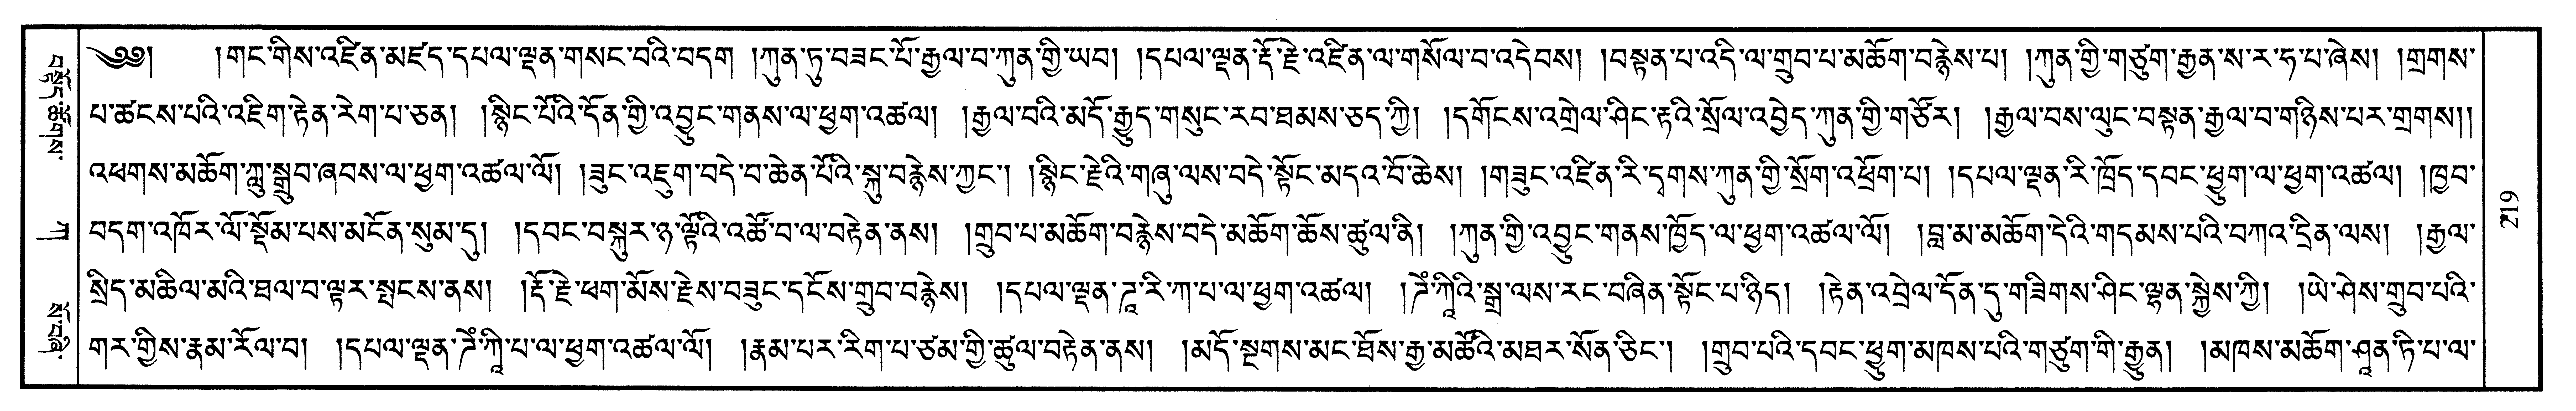༄༅། །གང་གིས་འཛིན་མཛད་དཔལ་ལྡན་གསང་བའི་བདག །ཀུན་ཏུ་བཟང་པོ་རྒྱལ་བ་ཀུན་གྱི་ཡབ། །དཔལ་ལྡན་རྡོ་རྗེ་འཛིན་ལ་གསོལ་བ་འདེབས། །བསྟན་པ་འདི་ལ་གྲུབ་པ་མཆོག་བརྙེས་པ། །ཀུན་གྱི་གཙུག་རྒྱན་ས་ར་ཧ་པ་ཞེས། །གྲགས་
པ་ཚངས་པའི་འཇིག་རྟེན་རེག་པ་ཅན། །སྙིང་པོའི་དོན་གྱི་འབྱུང་གནས་ལ་ཕྱག་འཚལ། །རྒྱལ་བའི་མདོ་རྒྱུད་གསུང་རབ་ཐམས་ཅད་ཀྱི། །དགོངས་འགྲེལ་ཤིང་རྟའི་སྲོལ་འབྱེད་ཀུན་གྱི་གཙོར། །རྒྱལ་བས་ལུང་བསྟན་རྒྱལ་བ་གཉིས་པར་གྲགས།།
འཕགས་མཆོག་ཀླུ་སྒྲུབ་ཞབས་ལ་ཕྱག་འཚལ་ལོ། །ཟུང་འཇུག་བདེ་བ་ཆེན་པོའི་སྐུ་བརྙེས་ཀྱང་། །སྙིང་རྗེའི་གཞུ་ལས་བདེ་སྟོང་མདའ་བོ་ཆེས། །གཟུང་འཛིན་རི་དྭགས་ཀུན་གྱི་སྲོག་འཕྲོག་པ། །དཔལ་ལྡན་རི་ཁྲོད་དབང་ཕྱུག་ལ་ཕྱག་འཚལ། །ཁྱབ་
བདག་འཁོར་ལོ་སྡོམ་པས་མངོན་སུམ་དུ། །དབང་བསྐུར་ཉ་ལྟོའི་འཚོ་བ་ལ་བརྟེན་ནས། །གྲུབ་པ་མཆོག་བརྙེས་བདེ་མཆོག་ཆོས་ཚུལ་ནི། །ཀུན་གྱི་འབྱུང་གནས་ཁྱོད་ལ་ཕྱག་འཚལ་ལོ། །བླ་མ་མཆོག་དེའི་གདམས་པའི་བཀའ་དྲིན་ལས། །རྒྱལ་
སྲིད་མཆིལ་མའི་ཐལ་བ་ལྟར་སྤངས་ནས། །རྡོ་རྗེ་ཕག་མོས་རྗེས་བཟུང་དངོས་གྲུབ་བརྙེས། །དཔལ་ལྡན་ཌཱ་རི་ཀ་པ་ལ་ཕྱག་འཚལ། །ཌེཾ་ཀཱིའི་སྒྲ་ལས་རང་བཞིན་སྟོང་པ་ཉིད། །རྟེན་འབྲེལ་དོན་དུ་གཟིགས་ཤིང་ལྷན་སྐྱེས་ཀྱི། །ཡེ་ཤེས་གྲུབ་པའི་
གར་གྱིས་རྣམ་རོལ་བ། །དཔལ་ལྡན་ཌེཾ་ཀཱི་པ་ལ་ཕྱག་འཚལ་ལོ། །རྣམ་པར་རིག་པ་ཙམ་གྱི་ཚུལ་བརྟེན་ནས། །མདོ་སྔགས་མང་ཐོས་རྒྱ་མཚོའི་མཐར་སོན་ཅིང་། །གྲུབ་པའི་དབང་ཕྱུག་མཁས་པའི་གཙུག་གི་རྒྱུན། །མཁས་མཆོག་ཤཱན་ཏི་པ་ལ་